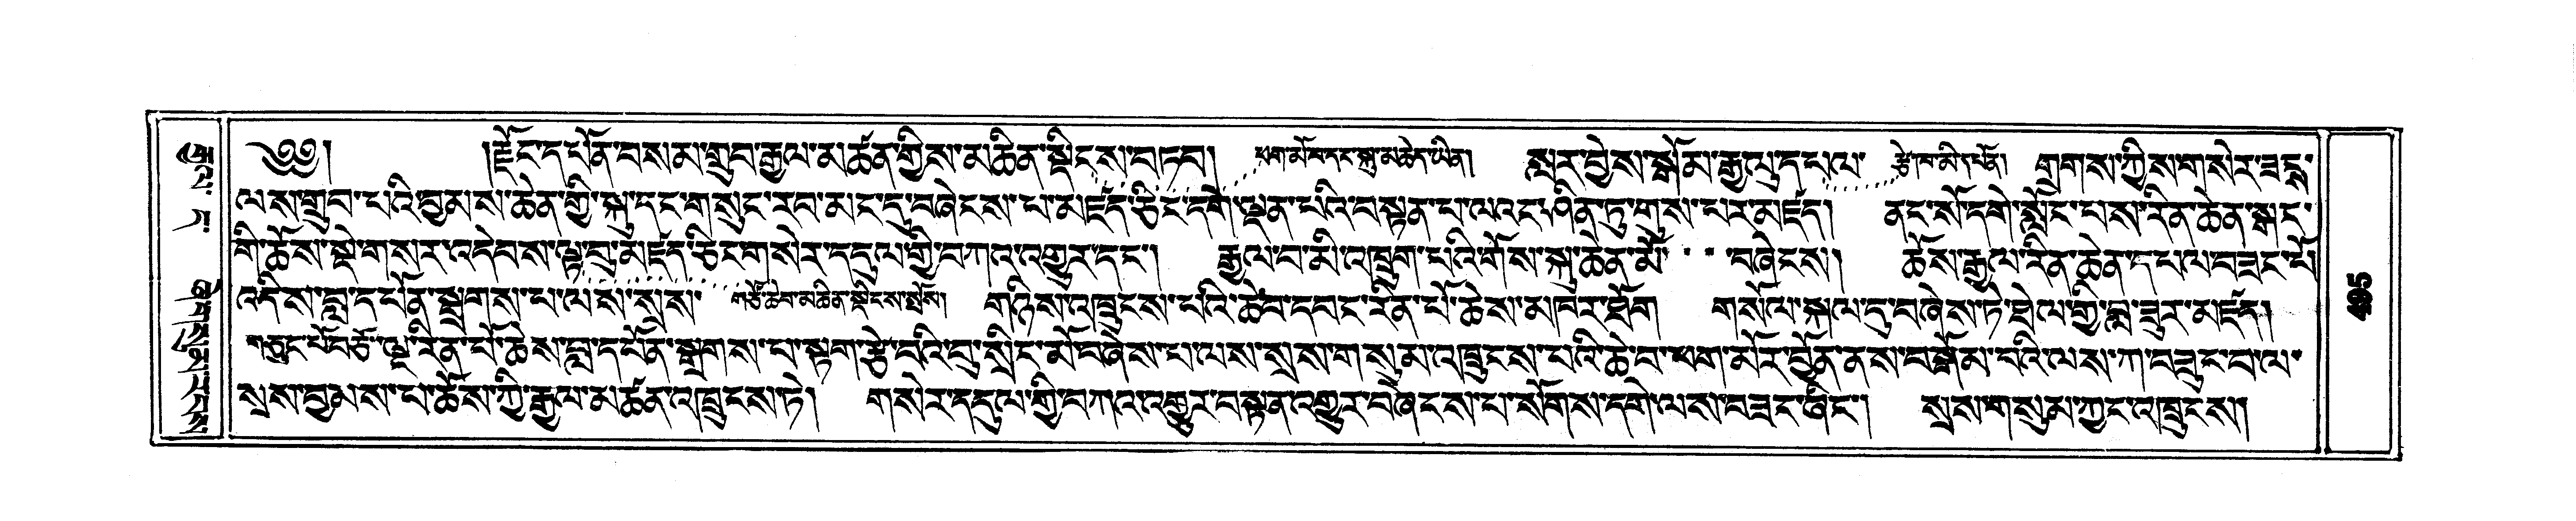༄༅། །རྗོང་དཔོན་བསམ་གྲུབ་རྒྱལ་མཚན་གྱིས་མཆིན་སྡིངས་བཏབ། ཕག་མོ་བ་དང་སྐུ་མཆེད་ཡིན།  སླར་བྱེས་སྒོམ་རྒྱ་ལུ་དཔལ་རྩེ་ཁ་མི་དཔོན།  གྲགས་ཀྱིས་གསེར་ཟླངས་
ལས་གྲུབ་པའི་བྱམས་ཆེན་གྱི་སྐུ་དང་གསུང་རབ་མང་དུ་བཞེངས་པ་མཛད་ཅིང་དགེ་ལྡན་པའི་བསྟན་པ་ལའང་ཤིན་ཏུ་གུས་པར་མཛད། ནང་སོ་དགེ་སློང་པས་རིན་ཆེན་སྒང་
གི་ཆོས་སྡེ་གསར་འདེབས་ལྟ་བུ་མཛད་ཅིང་གསེར་དངུལ་གྱི་བཀའ་འགྱུར་དང་། རྒྱལ་བ་མི་འཁྲུག་པའི་གོས་སྐུ་ཆེན་མོ་བཞེངས། ཆོས་རྒྱལ་རིན་ཆེན་དཔལ་བཟང་པོ་
འདི་ས་བླ་དཔོན་སྦྲགས་པ་ལས་སྲས་གཙོ་ཆེ་བ་མཆིན་སྡིངས་སྤོས།  གཉིས་འཁྲུངས་པའི་ཆེ་བ་དབང་རིན་པོ་ཆེས་མཁར་ཐོག་གསོལ་སྐལ་དུ་བཞེས་ཏེ་ཐེལ་གྱི་བླ་ཟུར་མཛད།
གཅུང་པོ་བཅོ་ལྔ་རིན་པོ་ཆེས་བླ་དཔོན་སྒྲགས་པ་སྟག་རྩེ་བའི་བུ་སྲིང་མོ་བཞེས་པ་ལས་སྲས་གསུམ་འཁྲུངས་པའི་ཆེ་བ་ཕག་མོར་བྱོན་ནས་བསྒོམ་པའི་ལས་ཀ་བཟུང་བ་ལ་
སྲས་བྱམས་པ་ཆོས་ཀྱི་རྒྱལ་མཚན་འཁྲུངས་ཏེ། གསེར་དངུལ་གྱི་བཀའ་འགྱུར་བསྟན་འགྱུར་བཞེངས་པ་སོགས་དགེ་ལས་བཟང་ཞིང་། སྲས་གསུམ་ཀྱང་འཁྲུངས།